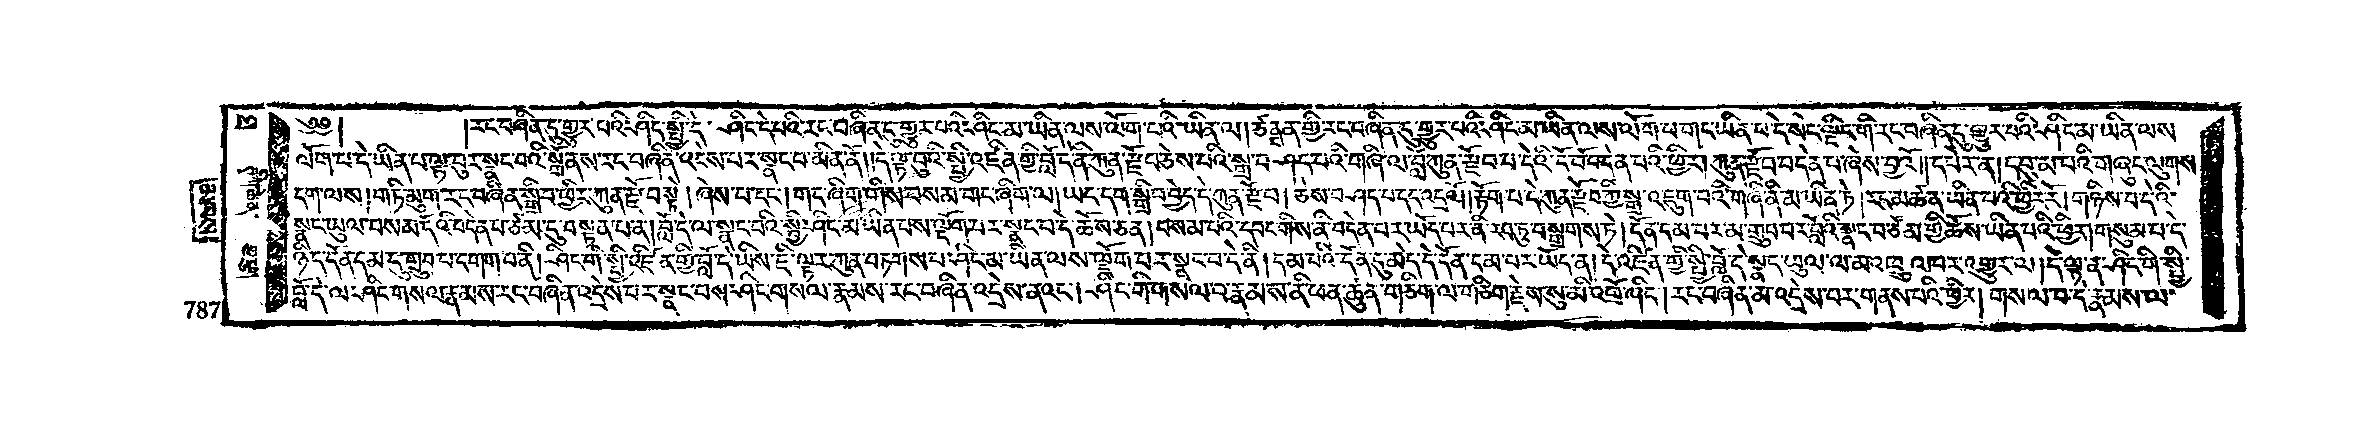༄༅། །རང་བཞིན་དུ་གྱུར་པའི་ཤིང་སྤྱི་དེ་ཤིང་དེ་པའི་རང་བཞིན་དུ་གྱུར་པའི་ཤིང་མ་ཡིན་ལས་ལོག་པའི་ཡིན་ལ། ཙནྡན་གྱི་རང་བཞིན་དུ་གྱུར་པའི་ཤིང་མ་ཡིན་ལས་ལོག་པ་གང་ཡིན་པ་དེ་སེང་ལྡིང་གི་རང་བཞིན་དུ་གྱུར་པའི་ཤིང་མ་ཡིན་ལས་
ལོག་པ་དེ་ཡིན་པ་ལྟ་བུར་སྣང་བའི་སྒོ་ནས་རང་བཞིན་འྔེས་པར་སྣང་བ་མིན་ནོ། །དེ་ལྟ་བུའི་སྤྱི་འཛིན་གྱི་བློ་དེ་ནི་ཀུན་རྫོབ་ཅེས་པའི་སྒྲ་བཤད་པའི་གཞི་ལ་བློ་ཀུན་རྫོབ་པ་དེའི་ངོ་བོ་བདེན་པའི་ཕྱིར། ཀུན་རྫོབ་བདེན་པ་ཞེས་བྱའོ། །དཔེར་ན། དབུ་མ་པའི་གཞུང་ལུགས་
དག་ལས། གཏི་མུག་རང་བཞིན་སྒྲིབ་ཕྱིར་ཀུན་རྫོབ་སྟེ། ཞེས་པ་དང་། གང་ཞིག་གིས་བསམ་གང་ཞིག་ལ། ཡང་དག་སྒྲིབ་བྱེད་དེ་ཀུན་རྫོབ། ཅེས་བཤད་པ་དང་འདྲའོ། །རྟོག་པ་དེ་ཀུན་རྫོབ་ཀྱི་སྒྲ་འཇུག་པའི་གཞི་ནི་མ་ཡིན་ཏེ། རང་མཚན་ཡིན་པའི་ཕྱིར་རོ། །གཉིས་པ་དེའི་
སྣང་ཡུལ་བས་མདོའི་བདེན་པ་ཙམ་དུ་བསྟན་པ་ནི། བློ་དེ་ལ་སྣང་བའི་སྤྱི་ཤིང་མ་ཡིན་པས་ལྡོག་པར་སྣང་བ་དེ་ཆོས་ཅན། བསམ་པའི་དབང་གིས་ནི་བདེན་པར་ཡོད་པར་ནི་རབ་ཏུ་བསྒྲགས་ཏེ། དོན་དམ་པར་མ་གྲུབ་པར་བློའི་སྣང་བ་ཙམ་གྱི་ཆོས་ཡིན་པའི་ཕྱིར། གསུམ་པ་དེ་
ཉིད་དོན་དམ་དུ་གྲུབ་པ་དགག་པ་ནི། ཤིང་གི་སྤྱི་འཛིན་གྱི་བློ་དེ་ཡིས་ཇི་ལྟར་ཀུན་བཏགས་པ་ཤིང་མ་ཡིན་ལས་ལྡོག་པར་སྣང་བ་དེ་ནི། དམ་པའི་དོན་དུ་མེད་དེ་དོན་དམ་པར་ཡོད་ན། དེ་འཛིན་གྱི་སྤྱི་བློ་དེ་སྣང་ཡུལ་ལ་མ་འཁྲུལ་བར་འགྱུར་ལ། དེ་ལྟ་ན་ཤིང་གི་སྤྱི་
བློ་དེ་ལ་ཤིང་གསལ་རྣམས་རང་བཞིན་འདྲེས་པར་སྣང་བས་ཤིང་གསལ་རྣམས་རང་བཞིན་འདྲེས་ནའང་། ཤིང་གི་གསལ་བ་རྣམས་ནི་ཕན་ཚུན་གཅིག་ལ་གཅིག་རྗེས་སུ་མི་འགྲོ་ཞིང་། རང་བཞིན་མ་འདྲེས་པར་གནས་པའི་ཕྱིར། གསལ་བ་དེ་རྣམས་ལ་